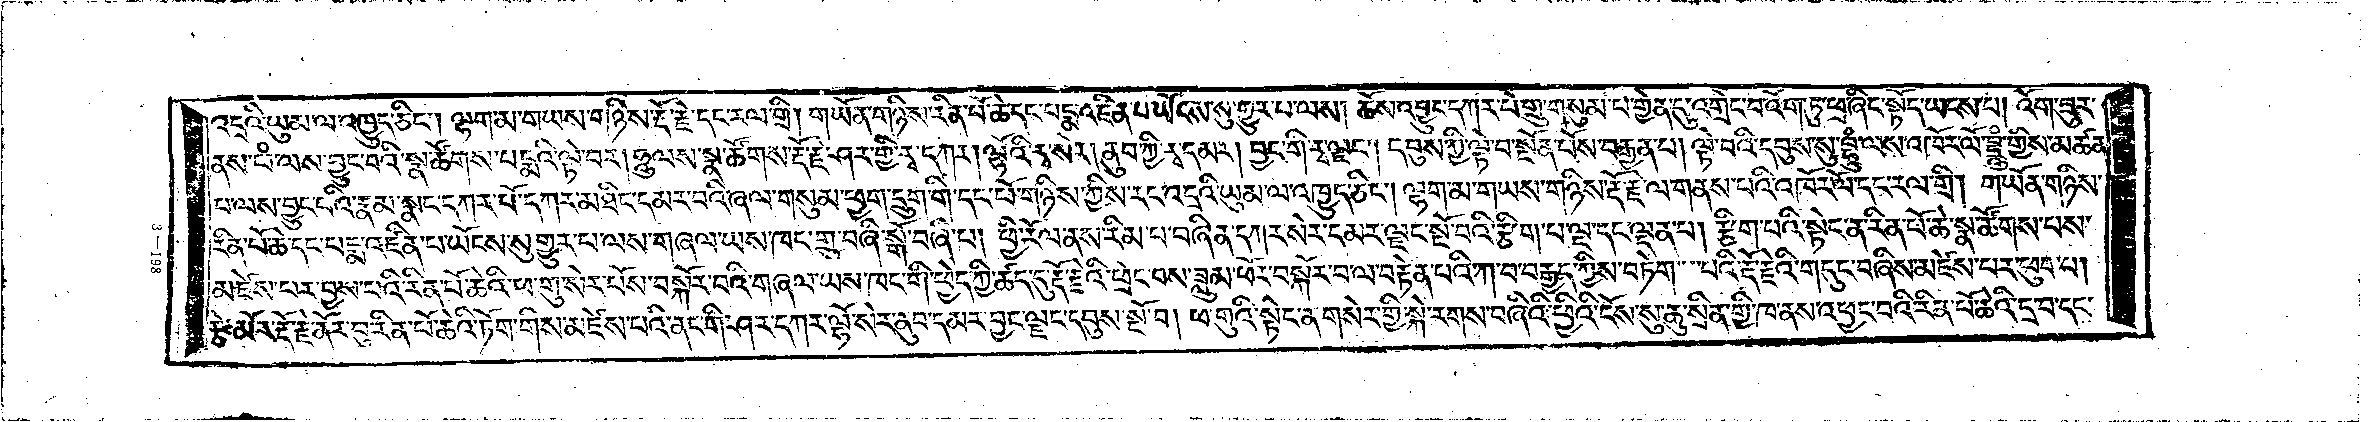འདྲའི་ཡུམ་ལ་འཁྱུད་ཅིང་། ལྷག་མ་གཡས་གཉིས་རྡོ་རྗེ་དང་རལ་གྲི། གཡོན་གཉིས་རིན་པོ་ཆེ་དང་པདམ་འཛིན་པ་ཡོངས་སུ་གྱུར་པ་ལས། ཆོས་འབྱུང་དཀར་པོ་གྲུ་གསུམ་པ་གྱོན་དུ་འགྲེང་བ་འོག་ཏུ་ཕྲ་ཞིང་སྟོད་ཡངས་པ། འོག་ཟུར་
ནས་པཾ་ལས་བྱུང་བའི་སྣ་ཚོགས་པདམའི་ལྟེ་བར། ཧཱུཾ་ལས་སྣ་ཚོགས་རྡོ་རྗེ་ཤར་གྱི་རྭ་དཀར། ལྷོའི་རྭ་སེར། ནུབ་ཀྱི་རྭ་དམར། བྱང་གི་རྭ་ལྗང་། དབུས་ཀྱི་ལྟེ་བ་སྔོན་པོས་བརྒྱན་པ། ལྟེ་བའི་དབུས་སུ་བྷྲཱུཾ་ལས་འཁོར་ལོ་བྷྲཱུཾ་གྱིས་མཚན་
པ་ལས་བྱུང་བའི་རྣམ་སྣང་དཀར་པོ་དཀར་མཐིང་དམར་བའི་ཞལ་གསུམ་ཕྱག་དྲུག་གི་དང་པོ་གཉིས་ཀྱིས་རང་འདྲའི་ཡུམ་ལ་འཁྱུད་ཅིང་། ལྷག་མ་གཡས་གཉིས་རྡོ་རྗེ་ལ་གནས་པའི་འཁོར་ལོ་དང་རལ་གྲི། གཡོན་གཉིས་
རིན་པོ་ཆེ་དང་པདམ་འཛིན་པ་ཡོངས་སུ་གྱུར་པ་ལས་གཞལ་ཡས་ཁང་གྲུ་བཞི་སྒོ་གཞི་པ། ཕྱི་རོལ་ནས་རིམ་པ་བཞིན་དཀར་སེར་དམར་ལྗང་སྔོ་བའི་རྩིག་པ་ལྔ་དང་ལྡན་པ། རྩིག་པའི་སྟེང་ན་རིན་པོ་ཆེ་སྣ་ཚོགས་པས་
མཛེས་པར་བྱས་པའི་རིན་པོ་ཆེའི་ཕ་གུ་སེར་པོས་བསྐོར་བའི་གཞལ་ཡས་ཁང་གི་ཕྱེད་ཀྱི་ཚད་དུ་རྡོ་རྗེའི་ཕྲེང་བས་ཟླུམ་ཕོར་བསྐོར་བ་ལ་བརྟེན་པའི་ཀ་བ་བརྒྱད་ཀྱིས་བཏེག་པའི་རྡོ་རྗེའི་གདུང་བཞིས་མཛེས་པར་ཕུབ་པ།
རྩེ་མོར་རྡོ་རྗེ་ནོར་བུ་རིན་པོ་ཆེའི་ཏོག་གིས་མཛེས་པའི་ནང་གི་ཤར་དཀར་ལྷོ་སེར་ནུབ་དམར་བྱང་ལྗང་དབུས་སྔོ་བ། ཕ་གུའི་སྟེང་ནས་གསེར་གྱི་སྐེ་རགས་བྷིའི་ཕྱིའི་ངོས་སུ་ཆུ་སྲིན་གྱི་ཁ་ནས་འཕྱང་བའི་རིན་པོ་ཆེའི་དྲ་བ་དང་